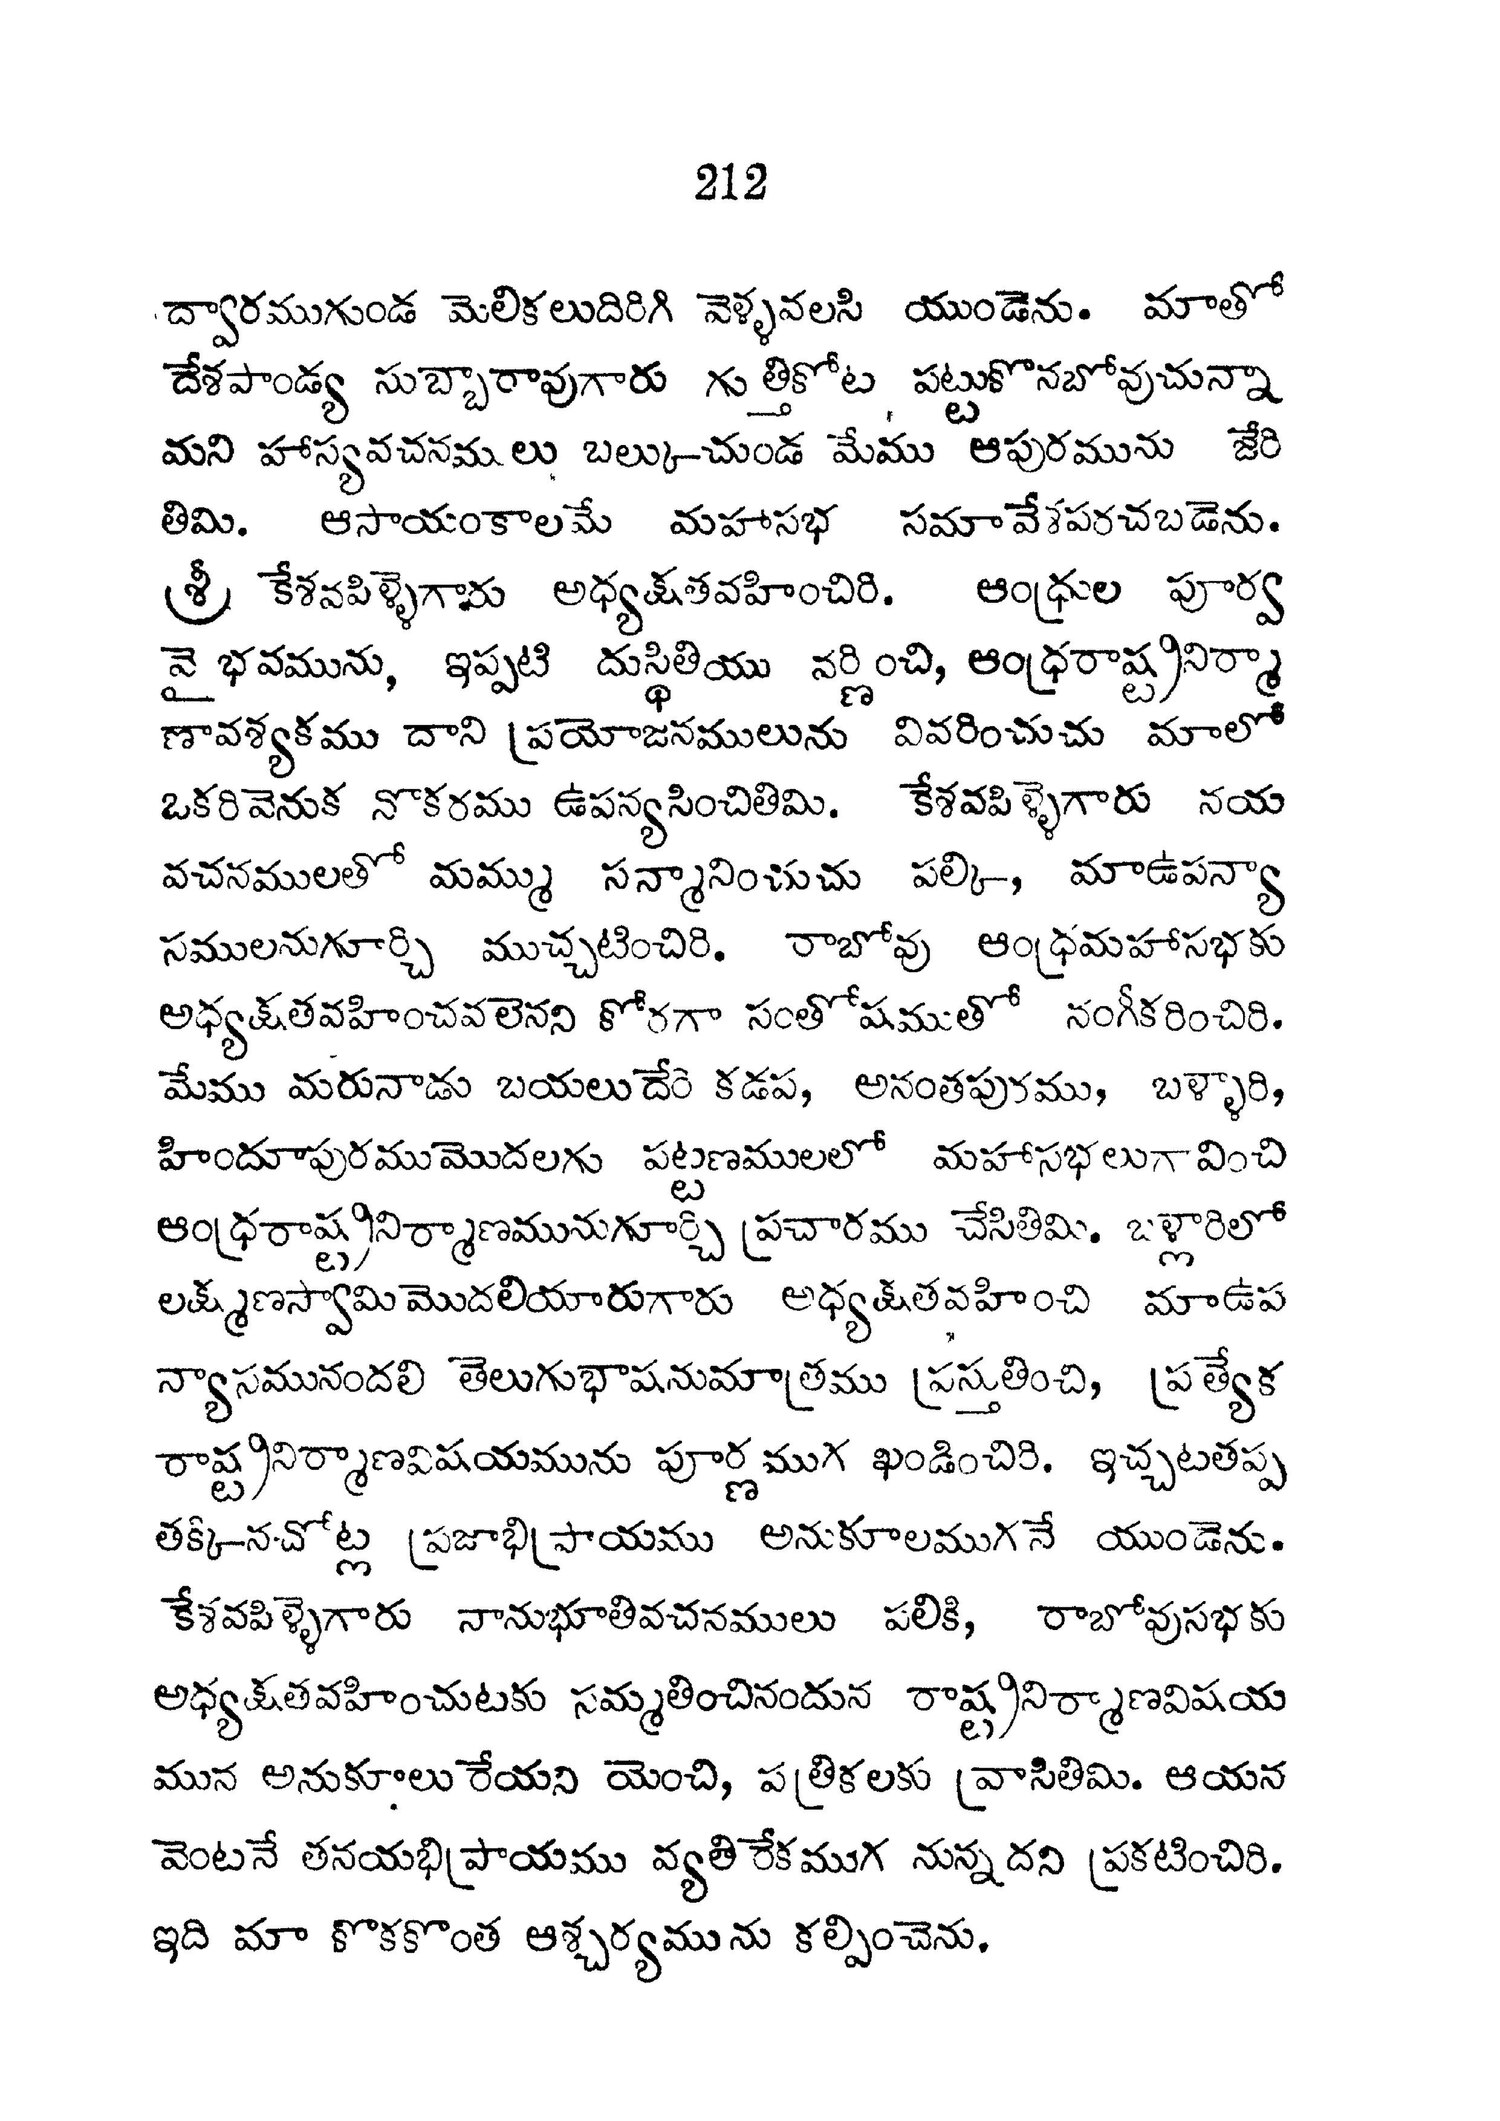ద్వారముగుండ మెలికలుదిరిగి వెళ్ళవలసి యుండెను. మాతో దేశపాండ్య సుబ్బారావుగారు గుత్తికోట పట్టుకొనబోవుచున్నామని హాస్యవచనములు బల్కుచుండ మేము ఆపురమును జేరితిమి. ఆసాయంకాలమే మహాసభ సమావేశపరచబడెను. శ్రీ కేశవపిళ్ళెగారు అధ్యక్షతవహించిరి. ఆంధ్రుల పూర్వ వైభవమును, ఇప్పటి దుస్థితియు వర్ణించి, ఆంధ్రరాష్ట్రనిర్మాణావశ్యకము దాని ప్రయోజనములును వివరించుచు మాలో ఒకరివెనుక నొకరము ఉపన్యసించితిమి. కేశవపిళ్ళెగారు నయవచనములతో మమ్ము సన్మానించుచు పల్కి, మాఉపన్యాసములనుగూర్చి ముచ్చటించిరి. రాబోవు ఆంధ్రమహాసభకు అధ్యక్షతవహించవలెనని కోరగా సంతోషముతో నంగీకరించిరి. మేము మరునాడు బయలుదేరి కడప, అనంతపురము, బళ్ళారి, హిందూపురముమొదలగు పట్టణములలో మహాసభలుగావించి ఆంధ్రరాష్ట్రనిర్మాణమునుగూర్చి ప్రచారము చేసితిమి. బళ్ళారిలో లక్ష్మణస్వామి మొదలియారుగారు అధ్యక్షతవహించి మాఉపన్యాసమునందలి తెలుగుభాషనుమాత్రము ప్రస్తుతించి, ప్రత్యేక రాష్ట్రనిర్మాణవిషయమును పూర్ణముగ ఖండించిరి. ఇచ్చటతప్ప తక్కినచోట్ల ప్రజాభిప్రాయము అనుకూలముగనే యుండెను. కేశవపిళ్ళెగారు సానుభూతివచనములు పలికి, రాబోవుసభకు అధ్యక్షతవహించుటకు సమ్మతించినందున రాష్ట్రనిర్మాణవిషయమున అనుకూలురేయని యెంచి, పత్రికలకు వ్రాసితిమి. ఆయన వెంటనే తనయభిప్రాయము వ్యతిరేకముగ నున్నదని ప్రకటించిరి. ఇది మా కొకకొంత ఆశ్చర్యమును కల్పించెను.